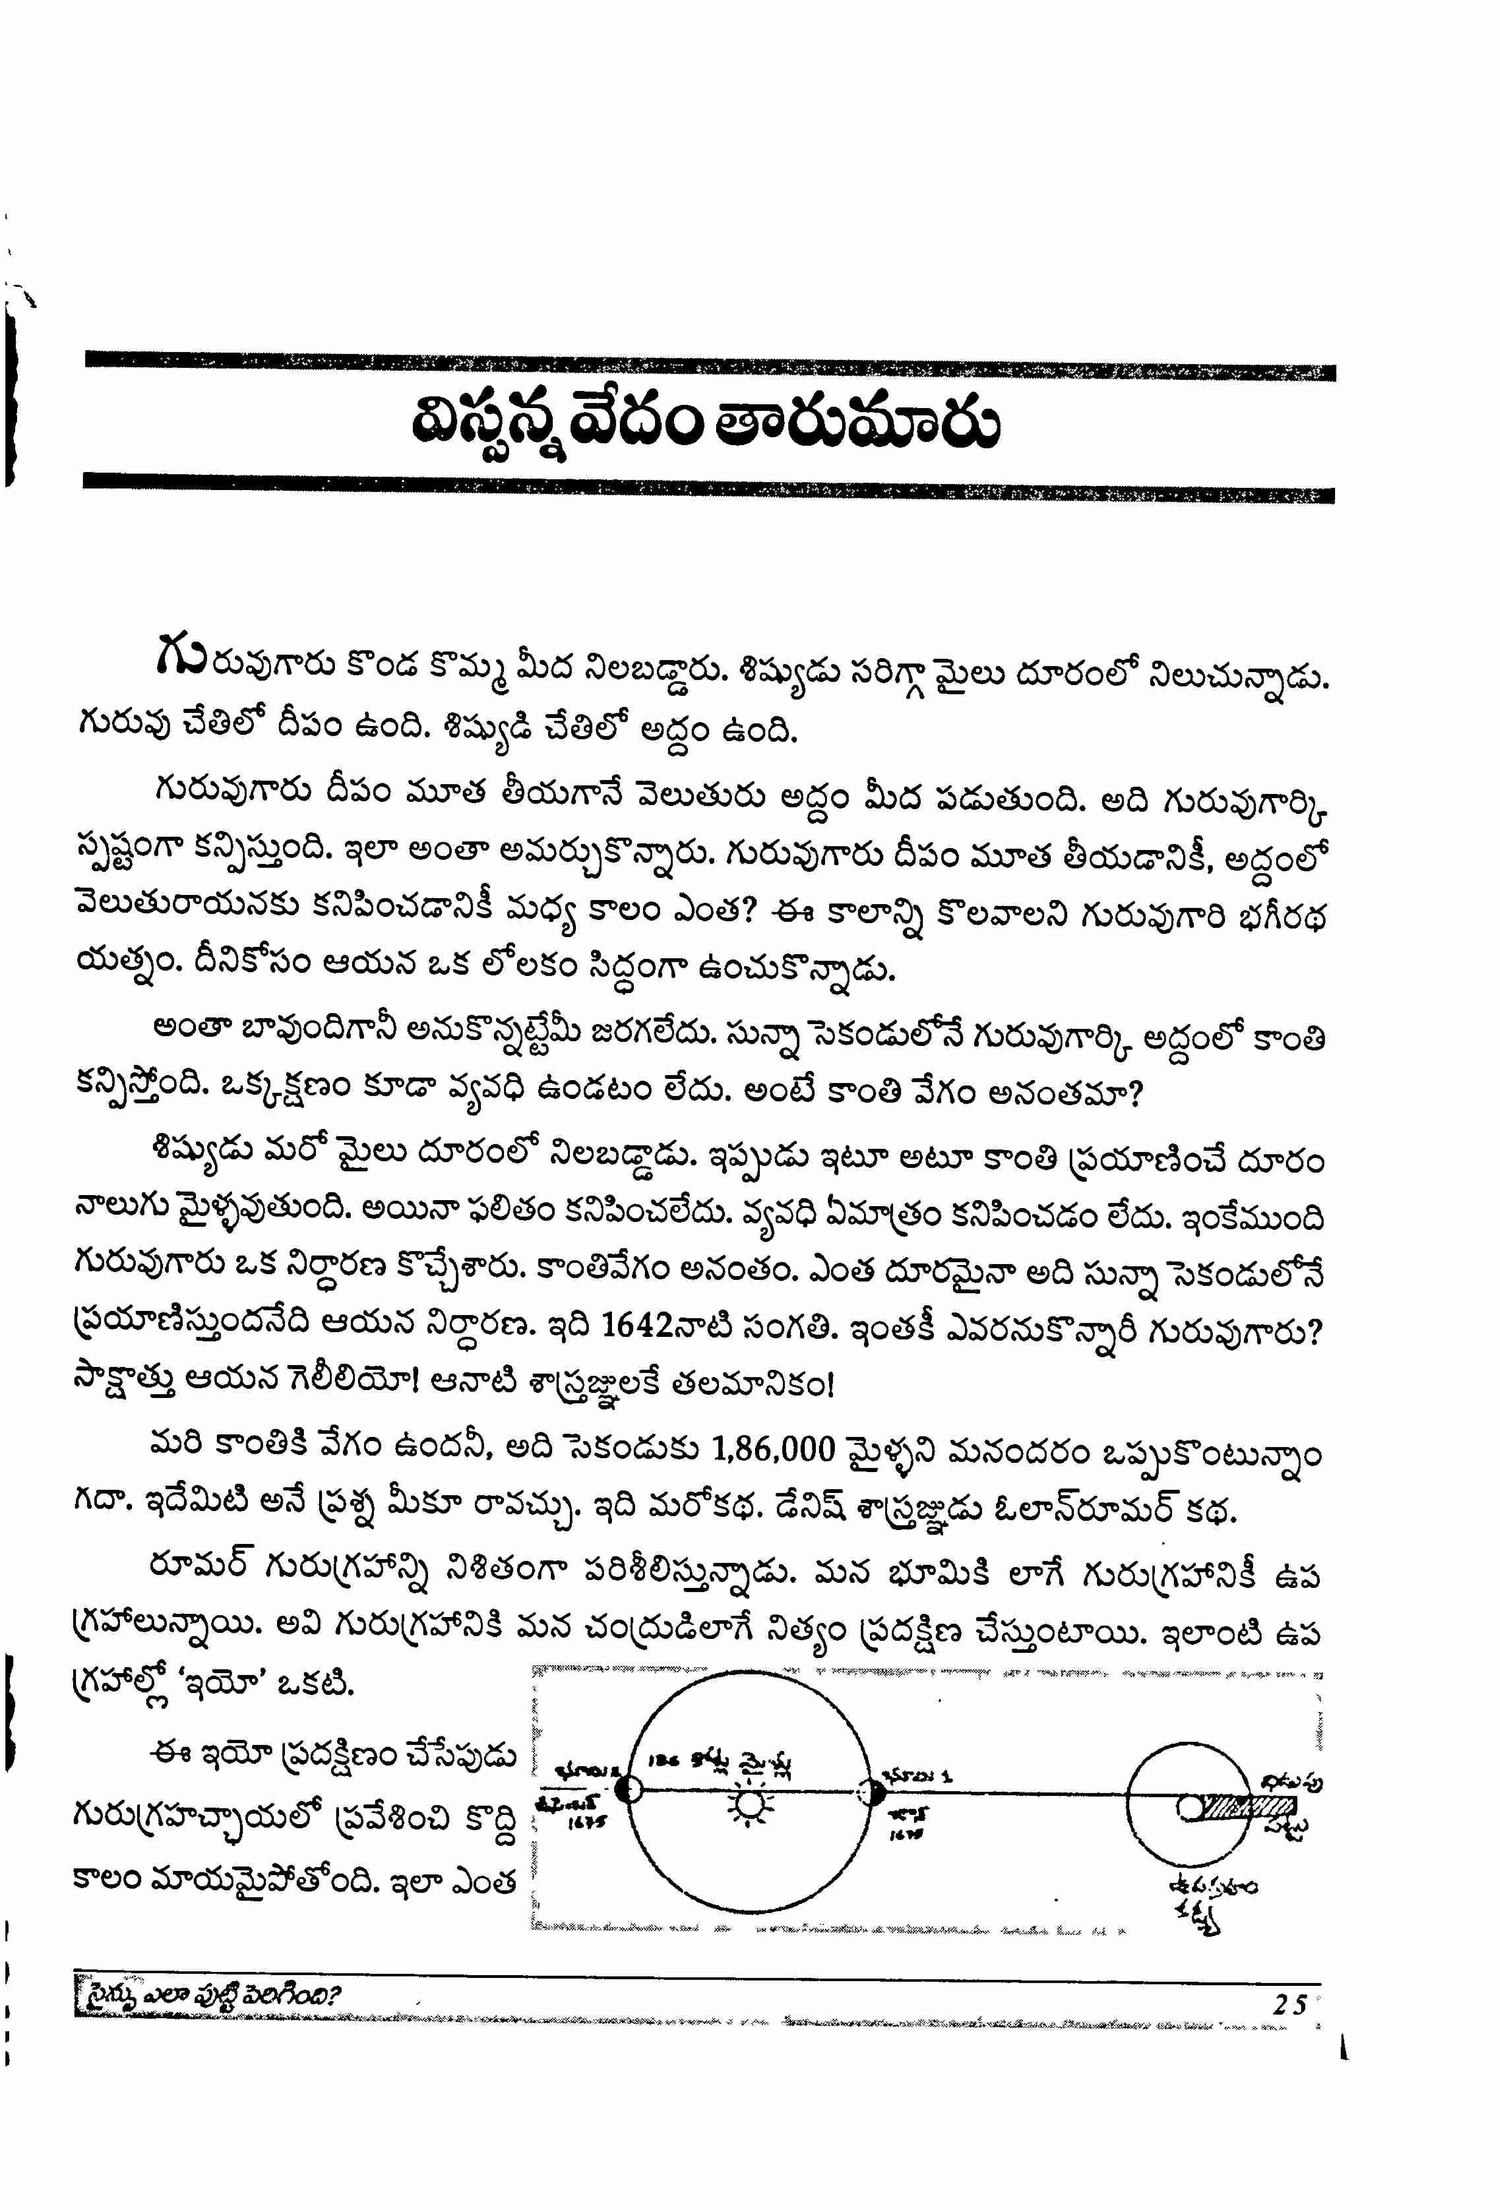విస్సన్న వేదం తారుమారు

గురువుగారు కొండ కొమ్మ మీద నిలబడ్డారు. శిష్యుడు సరిగ్గా మైలు దూరంలో నిలుచున్నాడు. గురువు చేతిలో దీపం ఉంది. శిష్యుడి చేతిలో అద్దం ఉంది.

గురువుగారు దీపం మూత తీయగానే వెలుతురు అద్దం మీద పడుతుంది. అది గురువుగార్కి స్పష్టంగా కన్పిస్తుంది. ఇలా అంతా అమర్చుకొన్నారు. గురువుగారు దీపం మూత తీయడానికీ, అద్దంలో వెలుతురాయనకు కనిపించడానికీ మధ్య కాలం ఎంత? ఈ కాలాన్ని కొలవాలని గురువుగారి భగీరథ యత్నం. దీనికోసం ఆయన ఒక లోలకం సిద్ధంగా ఉంచుకొన్నాడు.

అంతా బావుందిగానీ అనుకొన్నట్టేమీ జరగలేదు. సున్నా సెకండులోనే గురువుగార్కి అద్దంలో కాంతి కన్పిస్తోంది. ఒక్కక్షణం కూడా వ్యవధి ఉండటం లేదు. అంటే కాంతి వేగం అనంతమా?

శిష్యుడు మరో మైలు దూరంలో నిలబడ్డాడు. ఇప్పుడు ఇటూ అటూ కాంతి ప్రయాణించే దూరం నాలుగు మైళ్ళవుతుంది. అయినా ఫలితం కనిపించలేదు. వ్యవధి ఏమాత్రం కనిపించడం లేదు. ఇంకేముంది గురువుగారు ఒక నిర్ధారణ కొచ్చేశారు. కాంతివేగం అనంతం. ఎంత దూరమైనా అది సున్నా సెకండులోనే ప్రయాణిస్తుందనేది ఆయన నిర్ధారణ. ఇది 1642నాటి సంగతి. ఇంతకీ ఎవరనుకొన్నారీ గురువుగారు? సాక్షాత్తు ఆయన గెలీలియో! ఆనాటి శాస్త్రజ్ఞులకే తలమానికం!

మరి కాంతికి వేగం ఉందనీ, అది సెకండుకు 1,86,000 మైళ్ళని మనందరం ఒప్పుకొంటున్నాం గదా. ఇదేమిటి అనే ప్రశ్న మీకూ రావచ్చు. ఇది మరోకథ. డేనిష్ శాస్త్రజ్ఞుడు ఓలాన్‌రూమర్ కథ.

రూమర్ గురుగ్రహాన్ని నిశితంగా పరిశీలిస్తున్నాడు. మన భూమికి లాగే గురుగ్రహానికీ ఉప గ్రహాలున్నాయి. అవి గురుగ్రహానికి మన చంద్రుడిలాగే నిత్యం ప్రదక్షిణ చేస్తుంటాయి. ఇలాంటి ఉపగ్రహాల్లో 'ఇయో' ఒకటి.

ఈ ఇయో ప్రదక్షిణం చేసేపుడు గురుగ్రహచ్ఛాయలో ప్రవేశించి కొద్ది కాలం మాయమైపోతోంది. ఇలా ఎంత